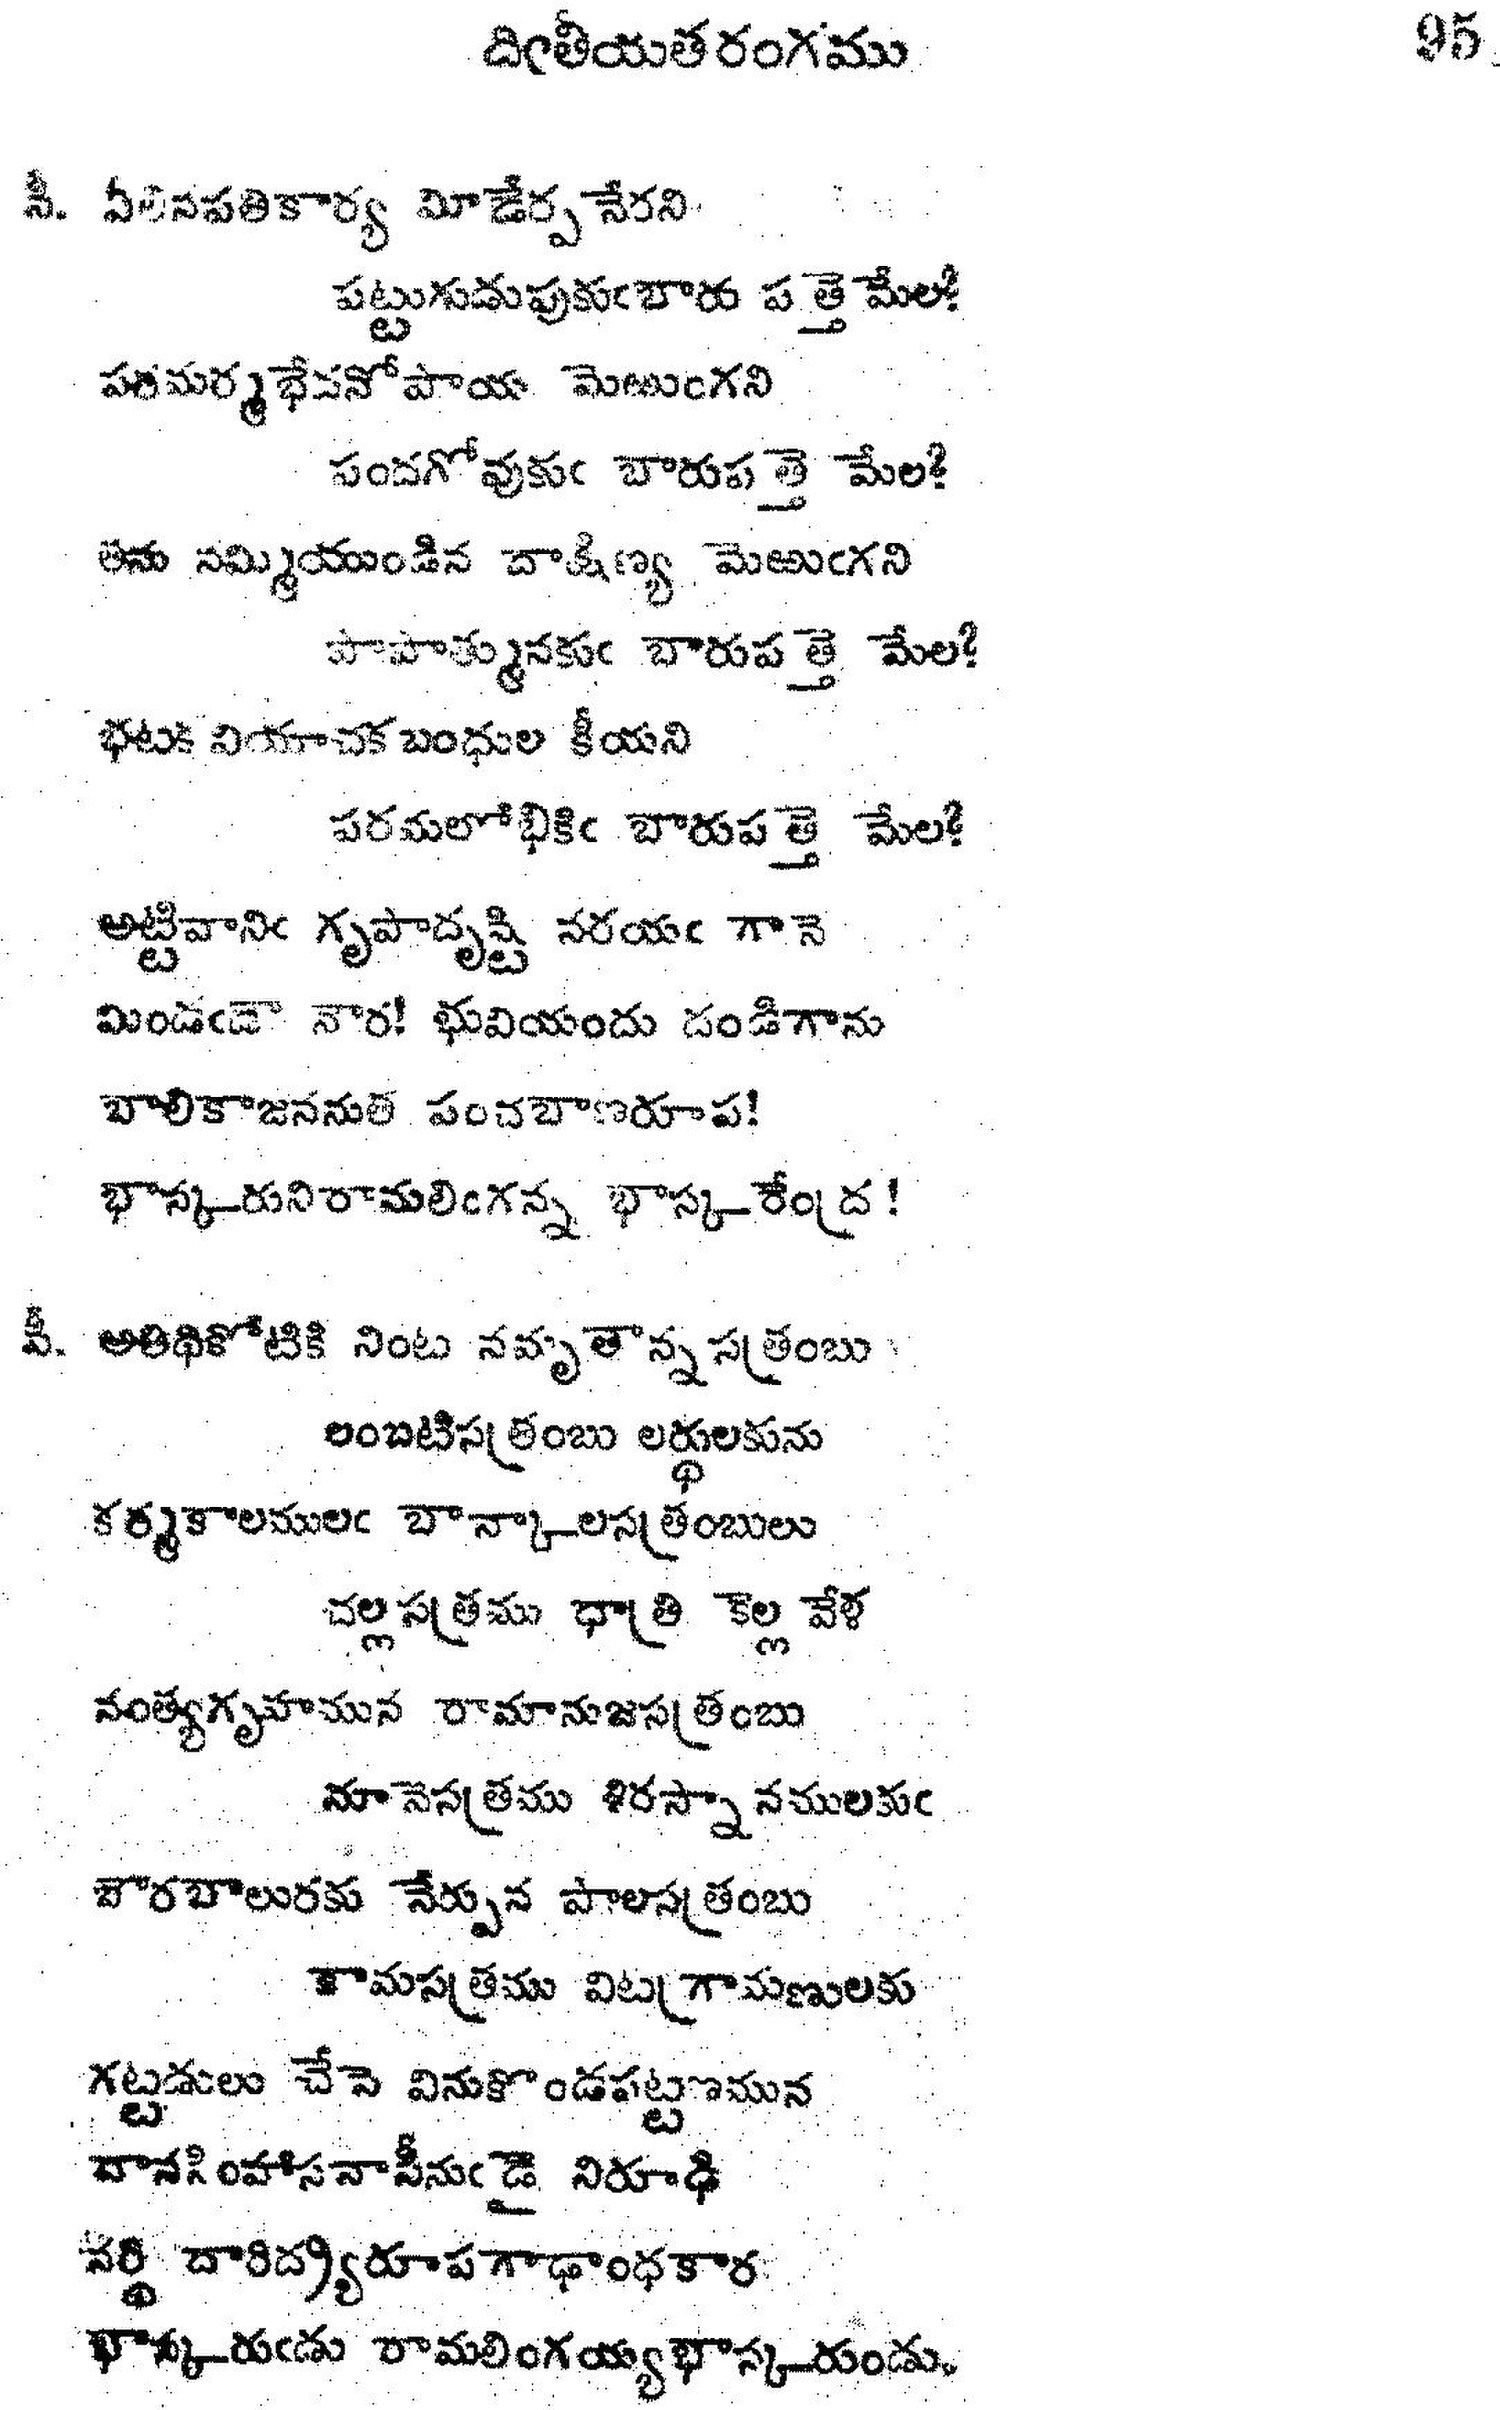సీ. ఏలినపతికార్య మీడేర్పనేరని
 పట్టుగుడుపుకుఁ బారుపత్తె మేల?
 పరమర్మభేదనోపాయ మెఱుంగని
 పందగోవుకుఁ బారుపత్తె మేల?
 తను నమ్మియుండిన దాక్షిణ్య మెఱుఁగని
 పాపాత్మునకుఁ బారుపత్తె మేల?
 భటకవియాచకబంధుల కీయని
 పరమలోభికిఁ బారుపత్తె మేల?
 అట్టివానిఁ గృపాదృష్టి నరయఁ గానె
 మిండఁడౌ నౌర! భువియందు దండిగాను
 బాలికాజననుత పంచబాణరూప!
 భాస్కరుని రామలింగన్న భాస్కరేంద్ర!

సీ. అతిథికోటికి నింట నమృతాన్నసత్రంబు
 లంబటిసత్రంబు లర్థులకును
 కర్మకాలములఁ బాన్కాలసత్రంబులు
 చల్లసత్రము ధాత్రి కెల్లవేళ
 నంత్యగృహమున రామానుజసత్రంబు
 నూనెసత్రము శిరస్నానములకుఁ
 బౌరబాలురకు నేర్పున పాలసత్రంబు
 కామసత్రము విటగ్రామణులకు
 గట్టడులు చేసె వినుకొండపట్టణమున
 దానసింహాసనాసీనుఁడై నిరూఢి
 నర్థి దారిద్ర్యరూపగాఢాంధకార
 భాస్కరుఁడు రామలింగయ్య భాస్కరుండు.